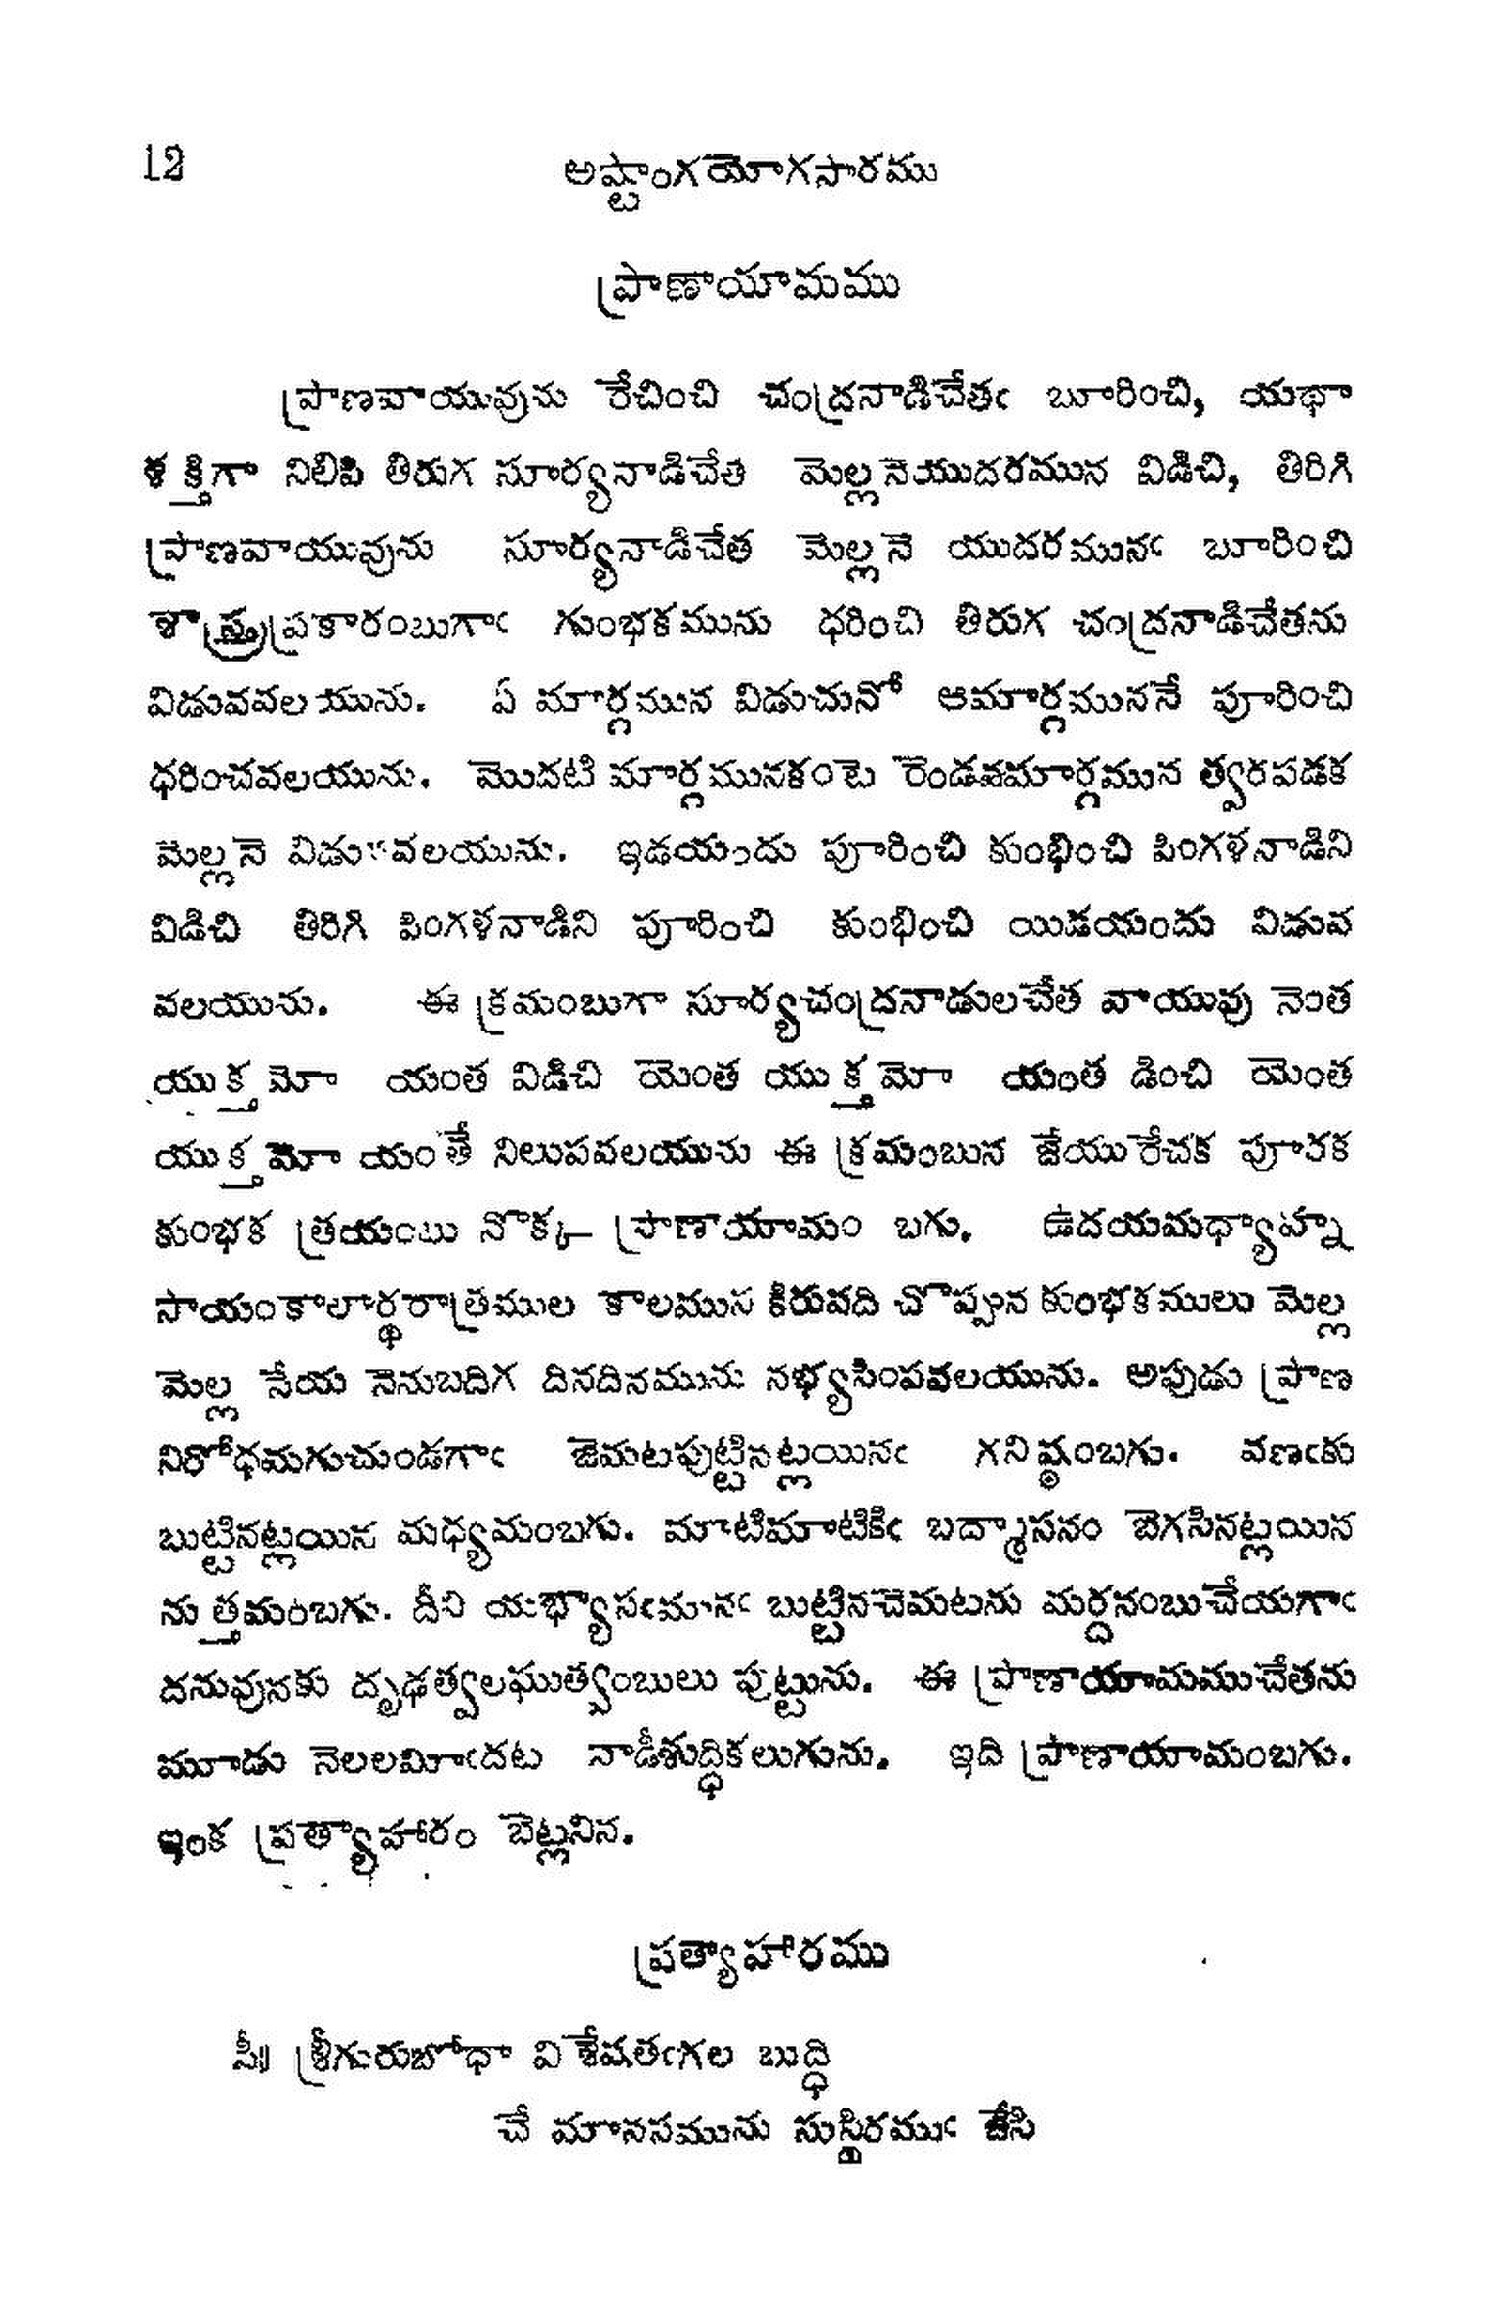ప్రాణవాయువును రేచించి చంద్రనాడిచేతఁ బూరించి, యథాశక్తిగా నిలిపి తిరుగ సూర్యనాడిచేత మెల్లనె యుదరమున విడిచి, తిరిగి ప్రాణవాయువును సూర్యనాడిచేత మెల్లనె యుదరమునఁ బూరించి శాస్త్రప్రకారంబుగాఁ గుంభకమును ధరించి తిరుగ చంద్రనాడిచేతను విడువవలయును. ఏమార్గమున విడుచునో ఆమార్గముననే పూరించి ధరించవలయును. మొదటి మార్గమునకంటె రెండవమార్గమున త్వరపడక మెల్లనె విడువవలయును. ఇడయందు పూరించి కుంభించి పింగళనాడిని తిరిగి పింగళనాడిని పూరించి కుంభించి యిడయందు విడువవలయును. ఈక్రమంబుగా సూర్యచంద్రనాడులచేత వాయువు నెంత యుక్తమో యంత విడిచి యెంత యుక్తమో యంత డించి యెంత యుక్తమో యంతే నిలుపవలయును. ఈక్రమంబున జేయు రేచక పూరక కుంభక త్రయంబు నొక్కప్రాణాయామం బగు. ఉదయమధ్యాహ్నసాయంకాలార్ధరాత్రముల కాలమున కిరువది చొప్పున కుంభకములు మెల్లమెల్ల సేయ నెనుబదిగ దినదినమును నభ్యసింపవలయును. అపుడు ప్రాణనిరోధమగుచుండగాఁ జెమట పుట్టినట్లయినఁ గనిష్ఠం బగు. వణఁకు బుట్టినట్లయిన మధ్యమం బగు. మాటిమాటికిఁ బద్మాసనం బెగసినట్లయిన నుత్తమం బగు. దీని యభ్యాసమునఁ బుట్టిన చెమటను మర్దనంబు చేయగాఁ దనువునకు దృఢత్వలఘుత్వంబులు పుట్టును. ఈప్రాణాయామముచేతను మూడునెలలమీఁదట నాడీశుద్ధి కలుగును. ఇది ప్రాణాయామం బగు. ఇంక ప్రత్యాహారం బెట్లనిన.

సీ. శ్రీగురుబోధావిశేషతఁగల బుద్ధి
 చే మానసమును సుస్థిరముఁ జేసి